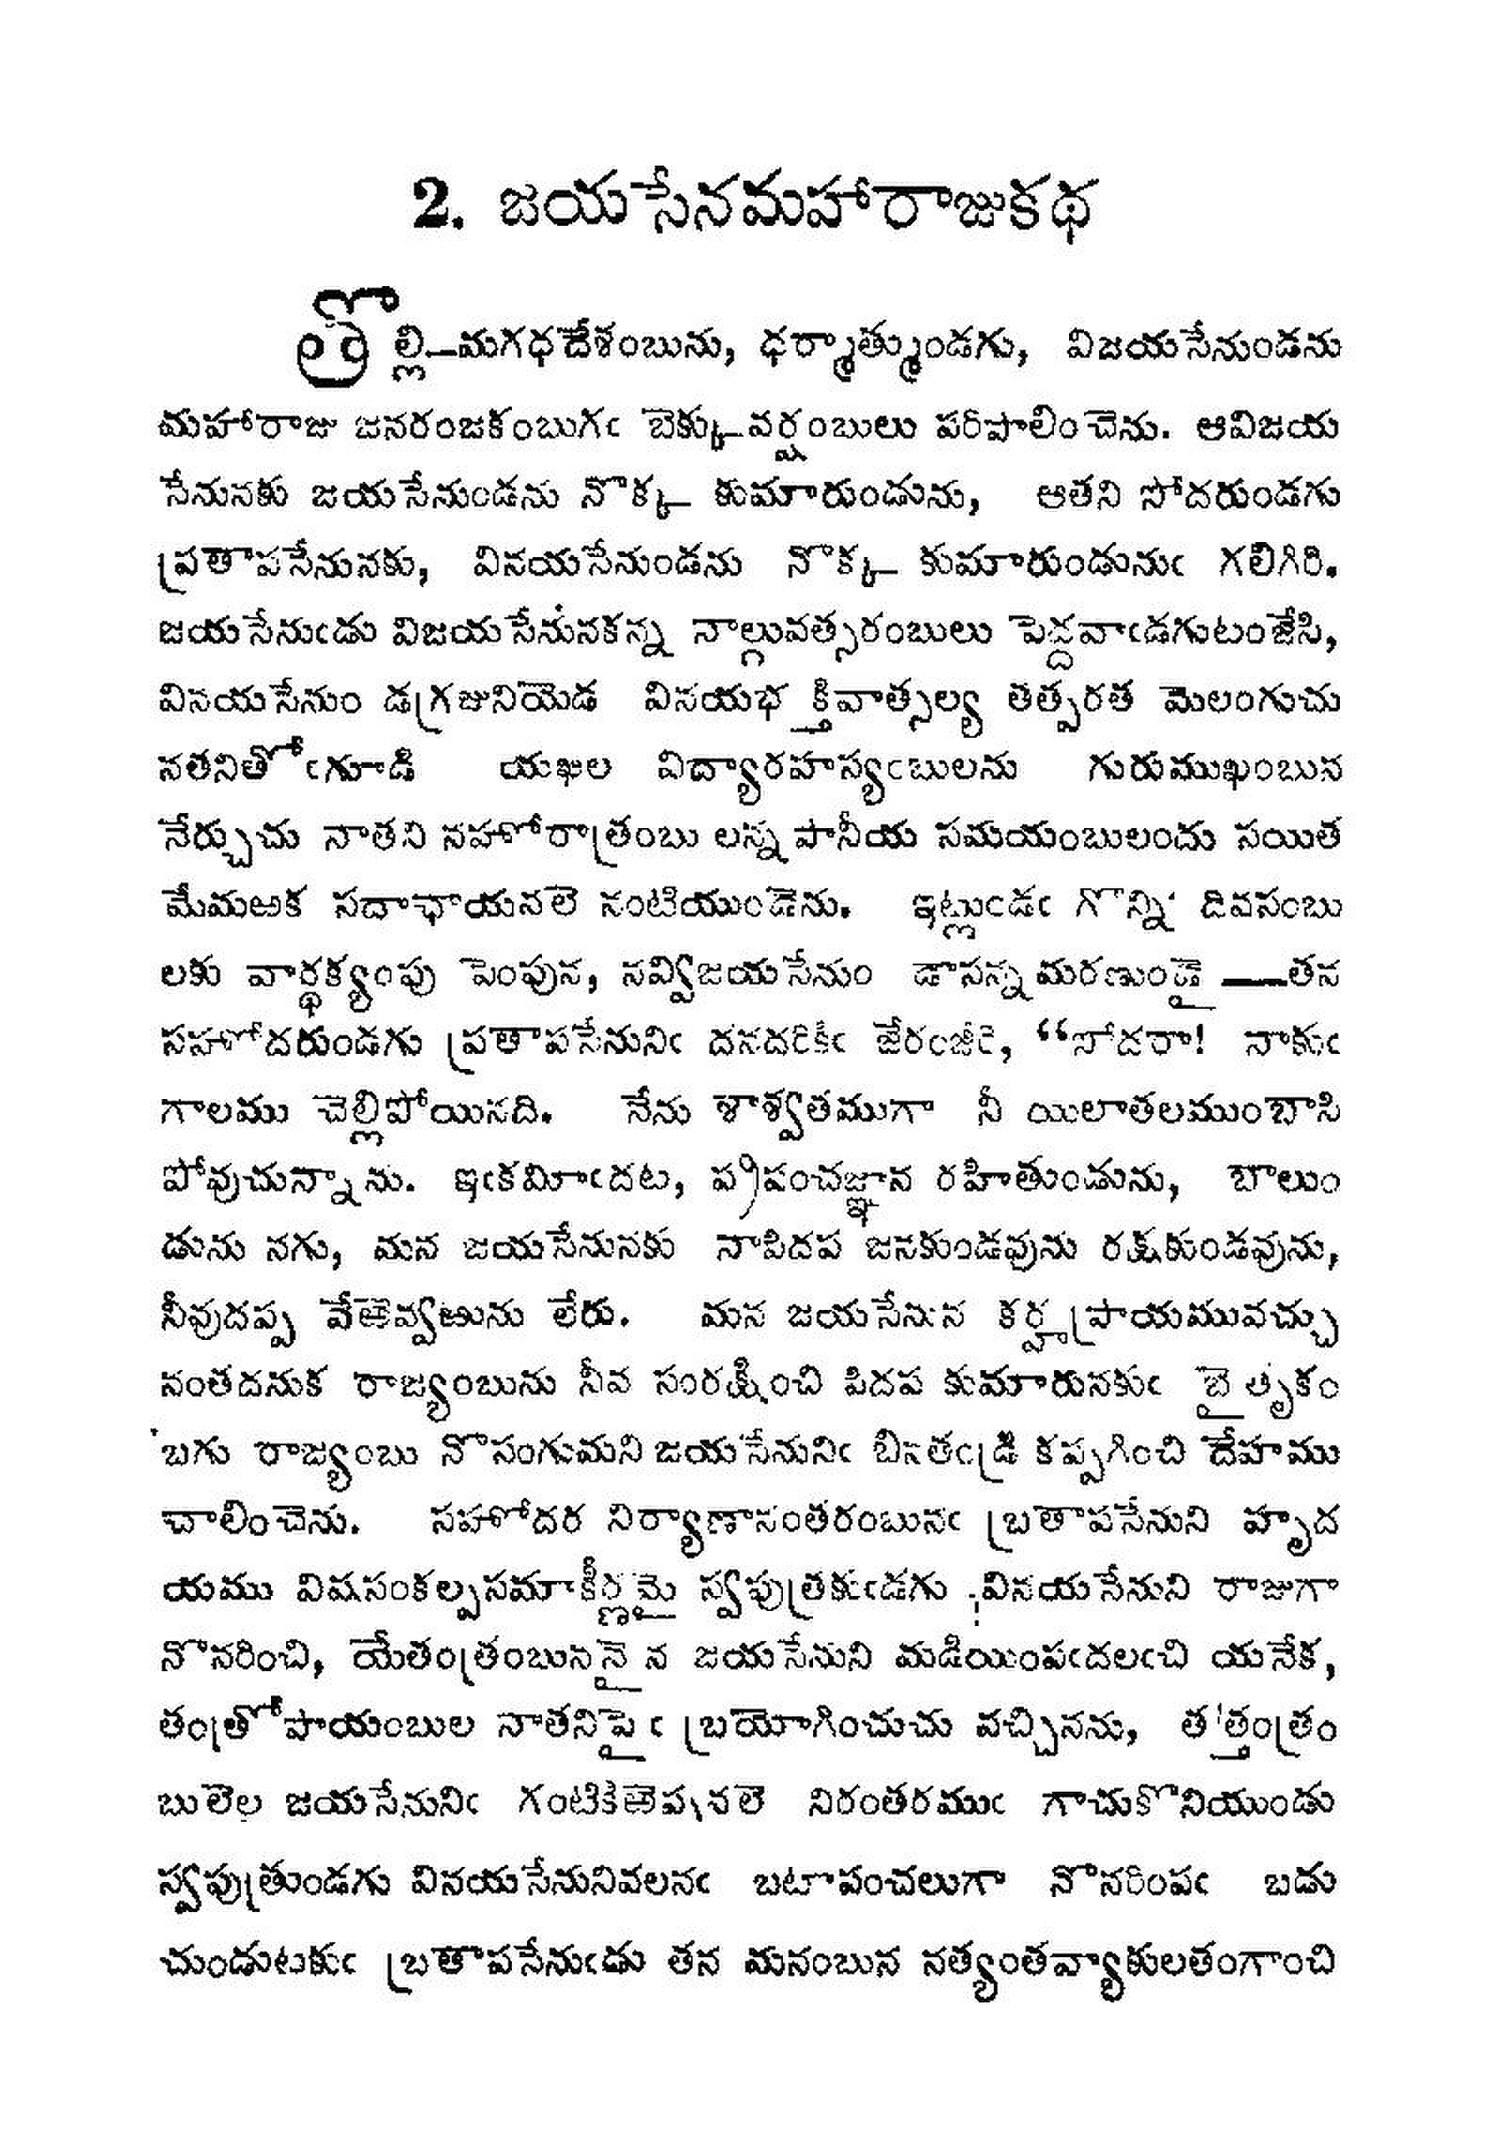తోల్లి మగధ దేశంబును, ధర్మాత్ముండగు, విజయసేనుండను మహారాజు జనరంజకంబుగఁ బెక్కు వర్షంబులు పరిపాలించెను. ఆవిజయ
సేనునకు జయసేనుఁడను నొక్క కుమారుండును, అతని సోదరుండగు ప్రతాపసేనునకు, వినయ సేనుండను నొక్క కుమారుండునుఁ గలిగిరి. జయసేనుఁడు విజయసేనునకన్న నాల్గువత్సరంబులు పెద్దవాఁడగుటం జేసి, వినయసేనుం డగ్రజునియెడ వినయభ క్తివాత్సల్య తత్పరత మెలంగుచు నతనితో గూడి యఖిల విద్యారహస్యంబులను గురుముఖంబున నేర్చుచు నాతని నహోరాత్రంబు లన్న పానీయ సమయంబులందు సయిత మేమఱక సదాచాయవలె నంటియుండెను. ఇట్లుండఁ గొన్ని దివసంబులకు వార్థక్యంపు పెంపున, నవ్విజయసేనుం డాసన్న మరణుండై —— తన సహోదరుండగు ప్రతాపసేనునిఁ దనదరికిఁ జేరంజీరి, "సోదరా! నాకుఁ గాలము చెల్లిపోయినది. నేను శాశ్వతముగా నీ యిలాతలముంబాసి పోవుచున్నాను. ఇఁక మీదట, ప్రపంచజ్ఞాన రహితుండును, బాలుండును నగు, మన జయసేనునకు నాపిదప జనకుండవును రక్షకుండవును, నీవుదప్ప వేఱెవ్వఱును లేరు. మన జయసేనున కర్ష ప్రాయమువచ్చు నంతదనుక రాజ్యంబును
నీవ సంరక్షించి పిదప కుమారునకుఁ బైత్రుకంబగు రాజ్యంబు నొసంగుమని జయసేనునిఁ బినతండ్రి కప్పగించి దేహము చాలించెను. సహోదర నిర్యాణానంతరంబునఁ బ్రతాపసేనుని హృదయము విషసంకల్ప సమాకీర్ణమై స్వపుత్రకుఁడగు వినయసేనుని రాజుగా నొనరించి, యేతంత్రంబుననైన జయసేనుని మడియింపఁదలఁచి యనేక, తంత్రోపాయంబుల నాతనిపైఁ " బ్రయోగించుచు వచ్చినను, తత్తంత్రం
బులెల జయసేనునిఁ గంటికి ఱెప్పవలె నిరంతరముఁ గాచుకొనియుండు స్వపుత్రుండగు వినయసేనునివలనఁ బటాపంచలుగా నొనరింపఁ బడు
చుండుటకుఁ బ్రతోపసేనుఁడు తన మనంబున నత్యంతవ్యాకులతంగాంచి